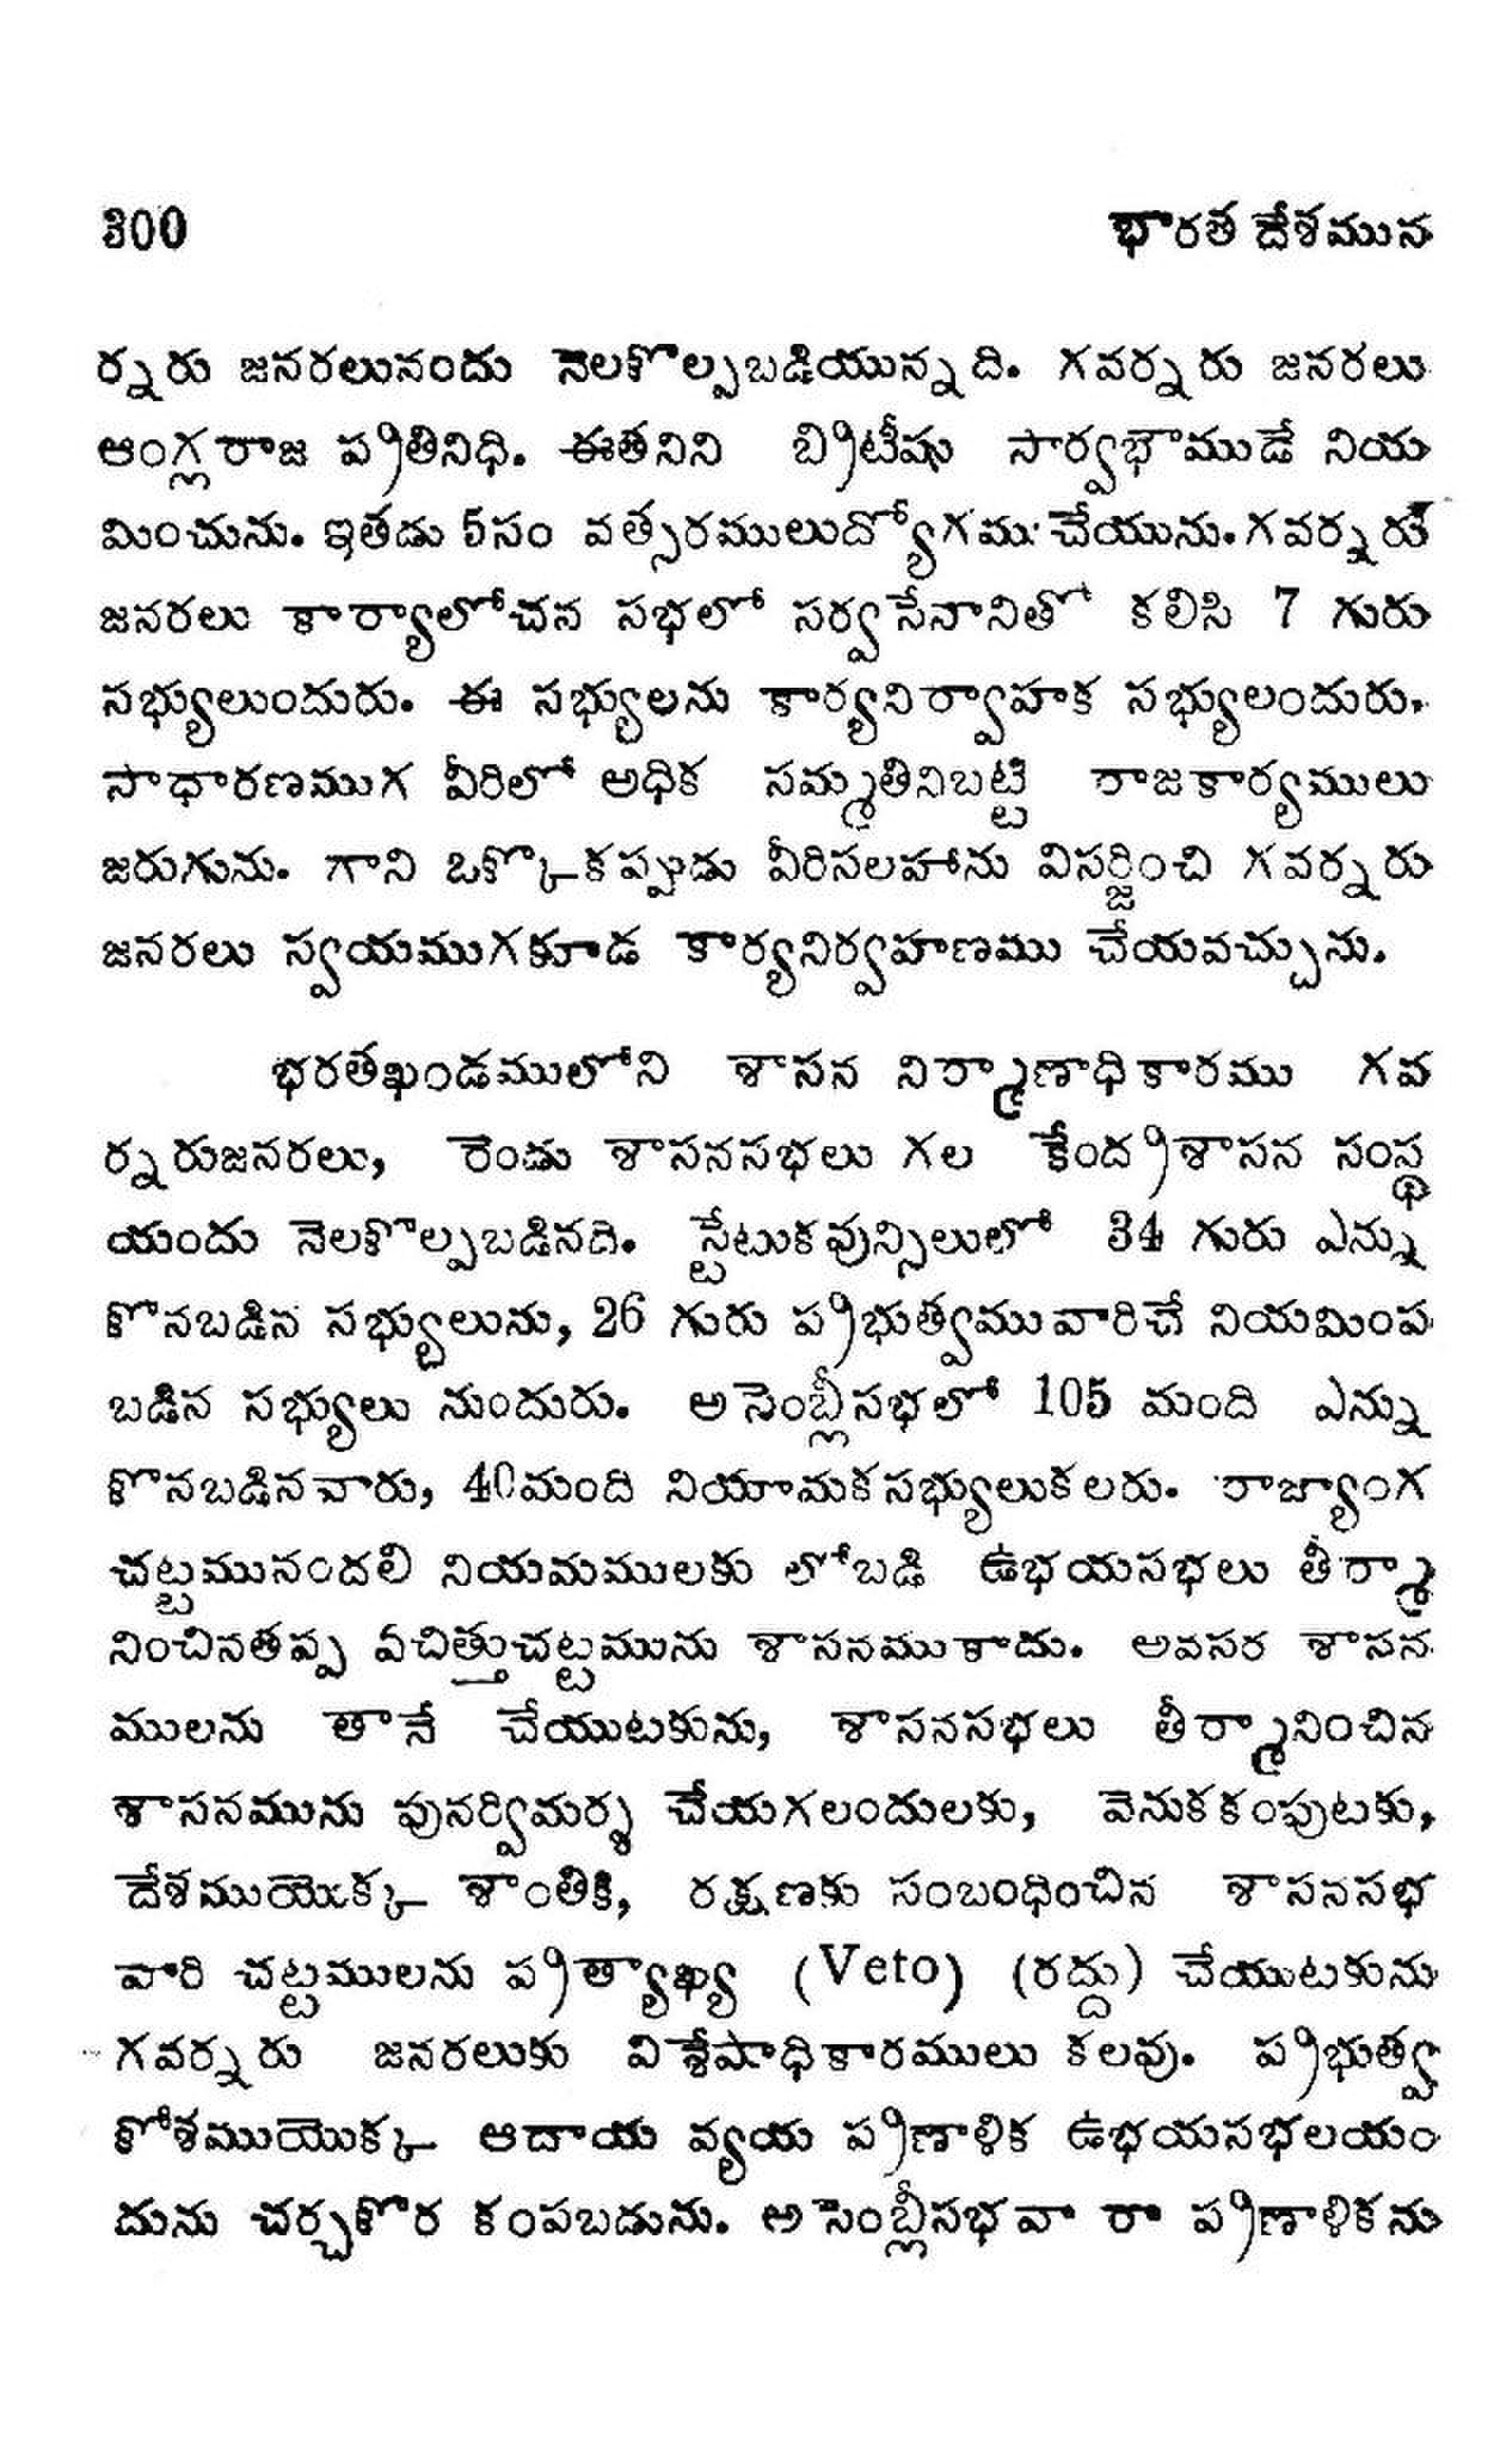ర్నరు జనరలునందు నెలకొల్పబడియున్నది. గవర్నరు జనరలు ఆంగ్లరాజ ప్రతినిధి. ఈతనిని బ్రిటీషు సార్వభౌముడే నియమించును. ఇతడు 5 సంవత్సరములుద్యోగము చేయును. గవర్నరు జనరలు కార్యాలోచన సభలో సర్వసేనానితో కలిసి 7 గురు సభ్యులుందురు. ఈ సభ్యులను కార్యనిర్వాహక సభ్యులందురు, సాధారణముగ వీరిలో అధిక సమ్మతినిబట్టి రాజకార్యములు జరుగును. గాని ఒక్కొకప్పుడు వీరిసలహాను విసర్జించి గవర్నరు జనరలు స్వయముగకూడ కార్యనిర్వహణము చేయవచ్చును.

భరతఖండములోని శాసన నిర్మాణాధికారము గవర్నరుజనరలు, రెండు శాసనసభలు గల కేంద్రశాసన సంస్థయందు నెలకొల్పబడినది. స్టేటుకవున్సిలులో 34 గురు ఎన్నుకొనబడిన సభ్యులును, 26 గురు ప్రభుత్వమువారిచే నియమింపబడిన సభ్యులు నుందురు. అసెంబ్లీసభలో 105 మంది ఎన్నుకొనబడినవారు, 40 మంది నియామకసభ్యులుకలరు. రాజ్యాంగచట్టమునందలి నియమములకు లోబడి ఉభయసభలు తీర్మానించినతప్ప ఏచిత్తుచట్టమును శాసనముకాదు. అవసర శాసనములను తానే చేయుటకును, శాసనసభలు తీర్మానించిన శాసనమును పునర్విమర్శ చేయగలందులకు, వెనుకకంపుటకు, దేశముయొక్క శాంతికి, రక్షణకు సంబంధించిన శాసనసభవారి చట్టములను ప్రత్యాఖ్య (Veto) (రద్దు) చేయుటకును గవర్నరు జనరలుకు విశేషాధికారములు కలవు. ప్రభుత్వకోశముయొక్క ఆదాయ వ్యయ ప్రణాళిక ఉభయసభలయందును చర్చకొర కంపబడును. అసెంబ్లీసభవా రా ప్రణాళికను